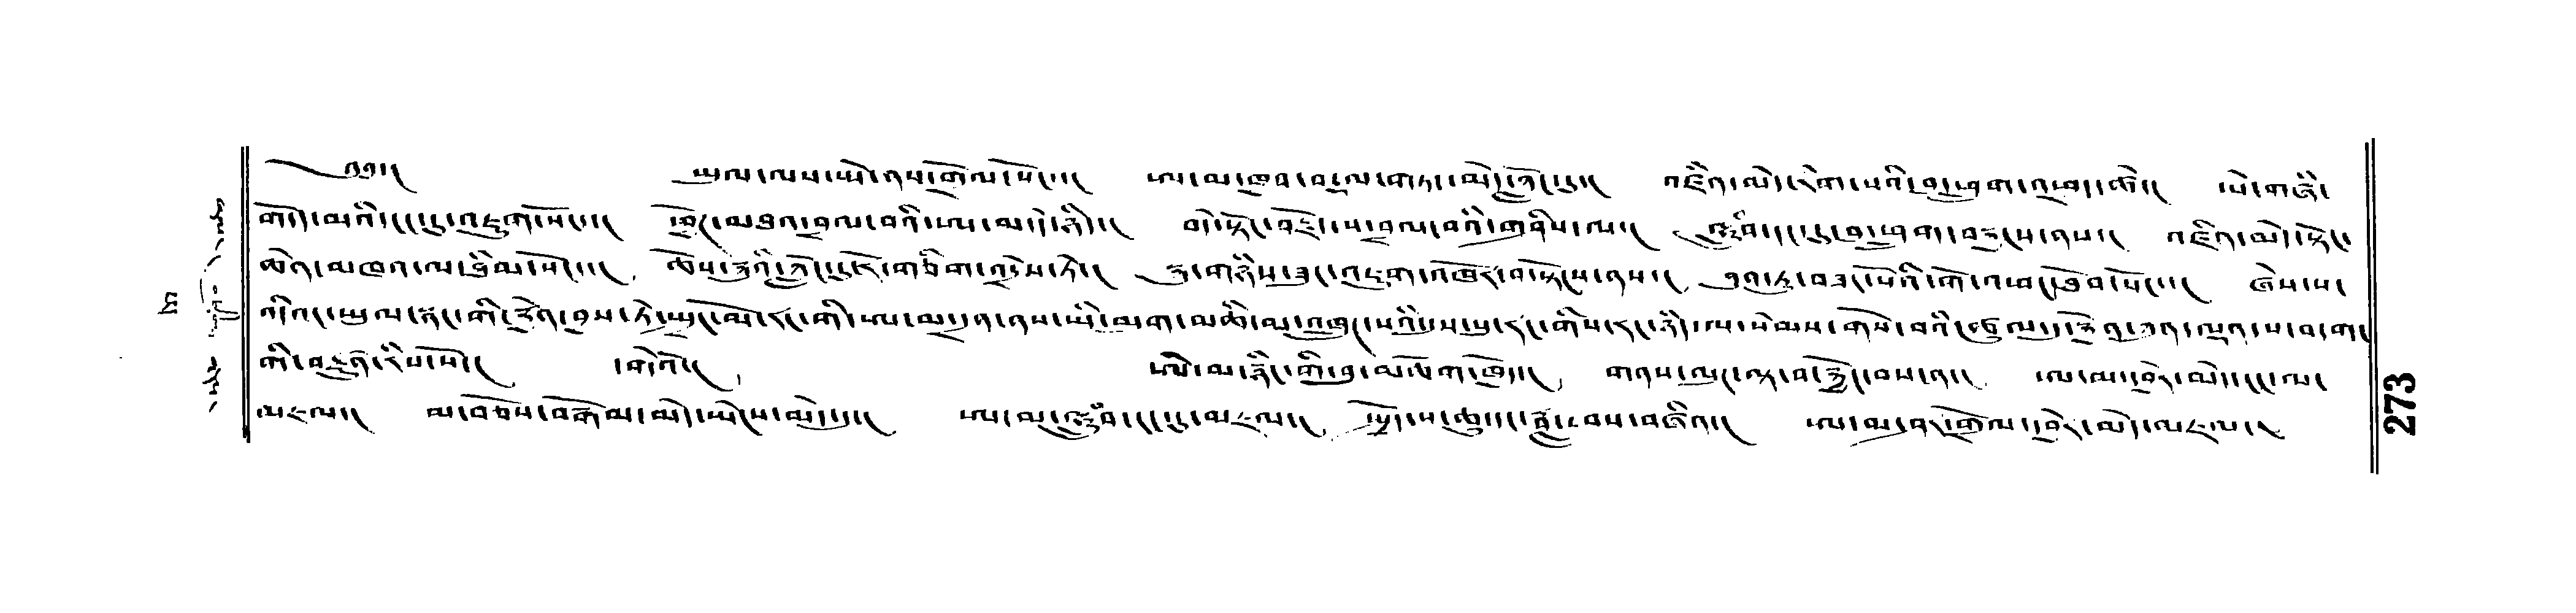ཡུལ་ལས་ཡེ་ནས་གྲོལ་སོང་། །ཨ་མ་ཁྱབ་བརྡལ་གཏད་མེད་ཀློང་དུ། །འཛིན་མེད་རིག་པའི་བུ་ཕྲུག་འཕྲད་ཚེ། །ཡེ་གཞི་
གདོད་མའི་ངང་དུ་འཇུག་སོང་། །ཕྱོགས་མཐའ་བྲལ་བའི་ཨ་མ་དེ་ཉིད། །བདེ་སྟོང་བརྗོད་པ་བྲལ་བའི་གཤིས་ལ། །ལྷུན་གྲུབ་ངང་དུ་བུ་ཕྲུག་བསྐྱངས་ནས། །འཛིན་མེད་སྟོང་
ཆེན་མཁའ་ལ་ཐིམ་སོང་། །ཆོས་སྐུའི་ཀློང་དུ་རོ་གཅིག་འདྲེས་ཏེ། །སྐུ་གཉིས་ཟུང་འཇུག་འཁོར་བ་སྟོངས་ནས། །ཀུན་ཏུ་བཟང་པོའི་གོ་འཕང་ཐོབ་སོང་། ཞེས་པ་
འདིའང་ཡུལ་སྣང་གི་རྐྱེན་བྱས་ཏེ་སྤྲང་མོ་རང་གི་ཨ་མ་དྲན་ནས་ཡི་མུག་མཆི་མ་འཁྲུགས་པའི་དུས་སུ་རང་གིས་རང་ཉིད་ལ་སེམས་གསོ་བའི་ཚུལ་དུ་སྐྱོན་ཀུན་ལྡན་པ་བདག་
གི་བརྫུན་རིས་སོ།དགེའོ།། ཨེ་མ་སྙིང་གི་བུ་མཆོག་ཁྱོད། །གནས་ལུགས་ལྟ་བ་སྐྱོང་བས་ན། །ཨ་མ་དབྱེར་མེད་ངང་ལ་
མཇལ། །མ་བཅོས་བསྒོམ་མེད་ཡེངས་མེད་དུ། །ཨ་མ་ལྷུན་གྲུབ་ངང་དུ་མཇལ། །སྤྱོད་པ་ཆུ་དང་རྦ་རླབས་བཞིན། །ཨ་མ་ཤར་གྲོལ་དབྱེར་མེད་མཇལ།